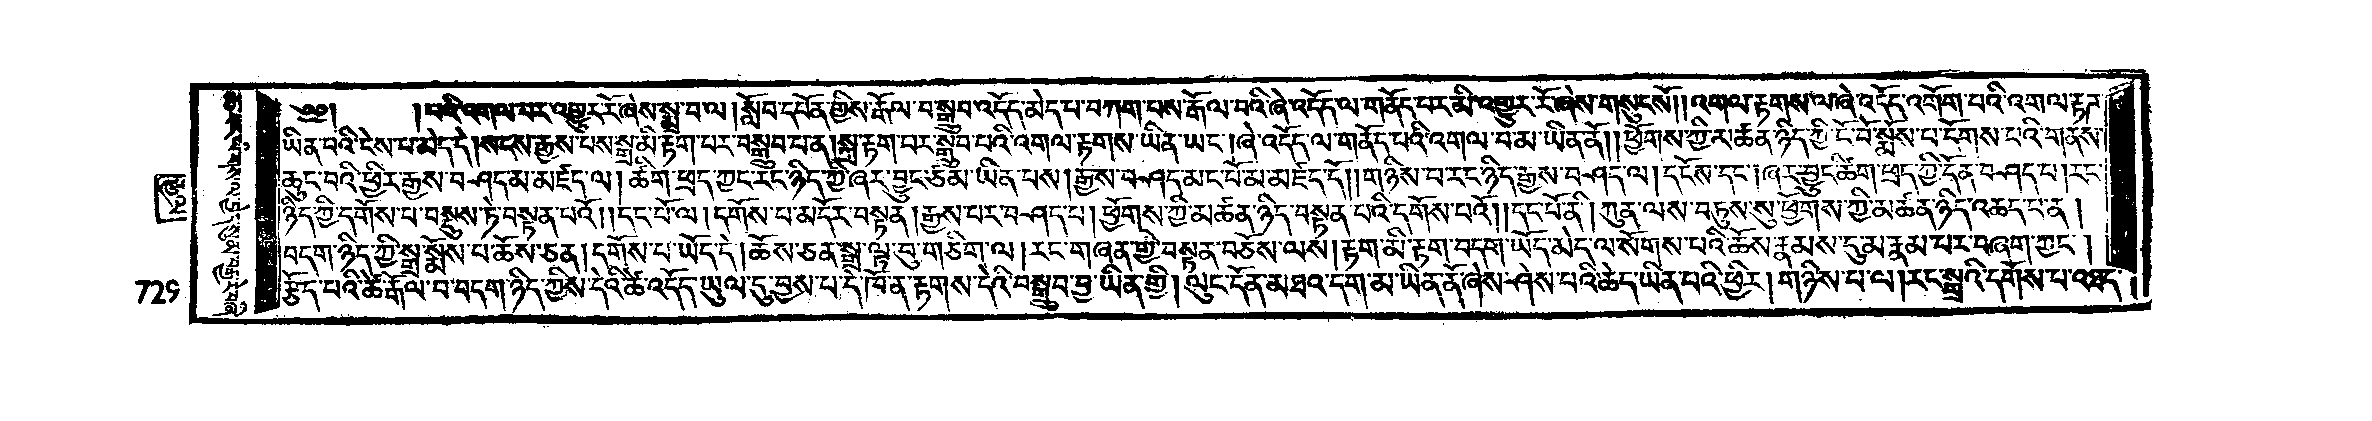༄༅། །པའི་འགལ་བར་འགྱུར་རོ་ཞེས་སྨྲ་བ་ལ། སློབ་དཔོན་གྱིས་རྒོལ་བ་སྒྲུབ་འདོད་མེད་པ་བཀག་པས་རྒོལ་བའི་ཞེ་འདོད་ལ་གནོད་པར་མི་འགྱུར་རོ་ཞེས་གསུངས་སོ། །འགལ་རྟགས་ལ་ཞེ་འདོད་འགོག་པའི་འགལ་རྟགས་
ཡིན་པའི་ངེས་པ་མེད་དེ། སངས་རྒྱས་པས་སྒྲ་མི་རྟག་པར་བསྒྲུབ་པ་ན། སྒྲ་རྟག་པར་སྒྲུབ་པའི་འགལ་རྟགས་ཡིན་ཡང་། ཞེ་འདོད་ལ་གནོད་པའི་འགལ་བ་མ་ཡིན་ནོ། །ཕྱོགས་ཀྱི་མཚན་ཉིད་ཀྱི་ངོ་བོ་སྨོས་པ་དོགས་པའི་གནས་
ཚུང་བའི་ཕྱིར་རྒྱས་བཤད་མ་མཛད་ལ། ཚིག་ཕྲད་ཀྱང་རང་ཉིད་ཀྱི་ཞར་བྱུང་ཙམ་ཡིན་པས། རྒྱས་བཤད་མང་པོ་མ་མཛད་དོ། །གཉིས་པ་རང་ཉིད་རྒྱས་བཤད་ལ། དངོས་དང་། ཞར་བྱུང་ཚིག་ཕྲད་ཀྱི་དོན་བཤད་པ། རང་
ཉིད་ཀྱི་དགོས་པ་བསྡུས་ཏེ་བསྟན་པའོ། །དང་པོ་ལ། དགོས་པ་མདོར་བསྟན། རྒྱས་པར་བཤད་པ། ཕྱོགས་ཀྱི་མཚན་ཉིད་བསྟན་པའི་དགོས་པའོ། །དང་པོ་ནི། ཀུན་ལས་བཏུས་སུ་ཕྱོགས་ཀྱི་མཚན་ཉིད་འཆད་པ་ན།
བདག་ཉིད་ཀྱི་སྒྲ་སྨོས་པ་ཆོས་ཅན། དགོས་པ་ཡོད་དེ། ཆོས་ཅན་སྒྲ་ལྟ་བུ་གཅིག་ལ། རང་གཞན་གྱི་བསྟན་བཅོས་ལས། རྟག་མི་རྟག་བདག་ཡོད་མེད་ལ་སོགས་པའི་ཆོས་རྣམས་དུ་མ་རྣམ་པར་བཞག་ཀྱང་།
རྩོད་པའི་ཚེ་རྒོལ་བ་བདག་ཉིད་ཀྱིས་དེའི་ཚེ་འདོད་ཡུལ་དུ་བྱས་པ་དེ་ཁོ་ན་རྟགས་དེའི་བསྒྲུབ་བྱ་ཡིན་གྱི། ལུང་དོན་མཐའ་དག་མ་ཡིན་ནོ་ཞེས་ཤེས་པའི་ཆེད་ཡིན་པའི་ཕྱིར། གཉིས་པ་ལ། རང་སྒྲའི་དགོས་པ་འཐད་